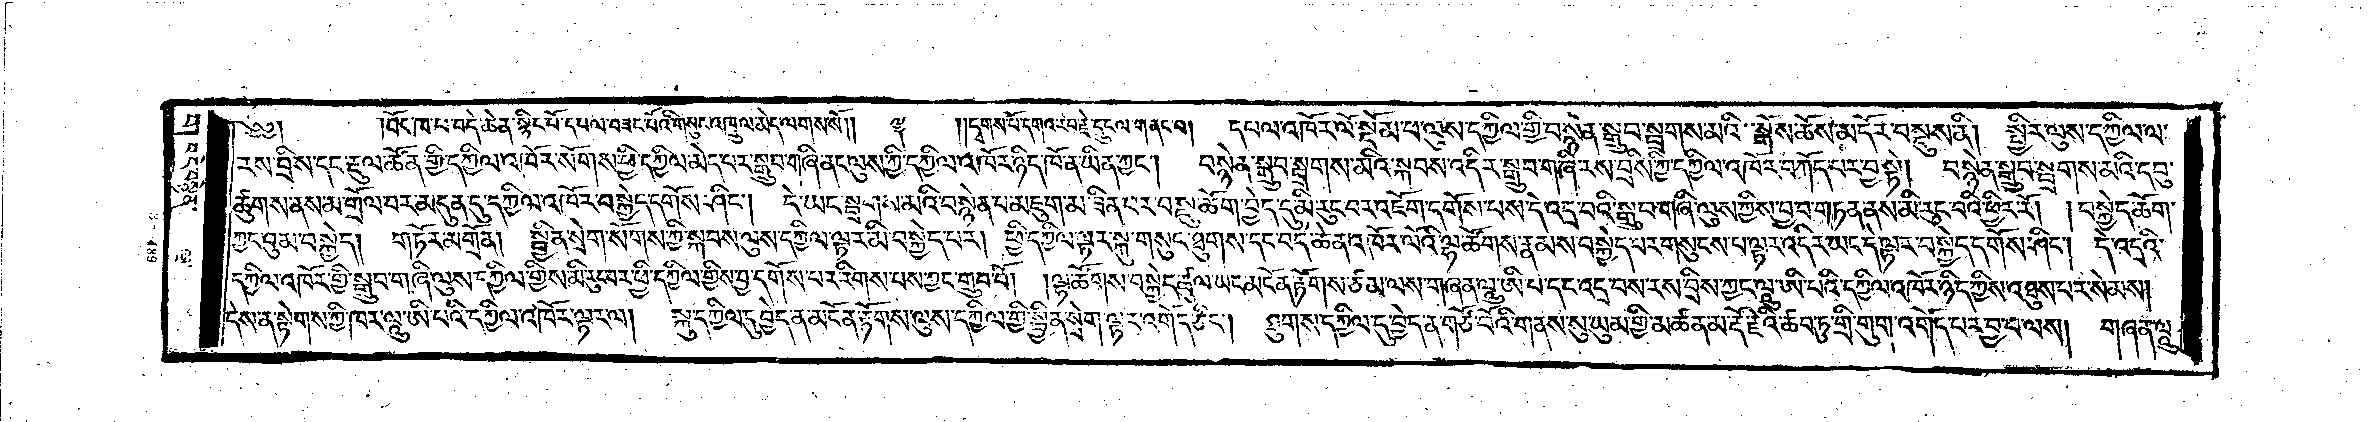༄༅། །བོང་ཁ་པ་བདེ་ཆེན་སྙིང་པོ་དཔལ་བཟང་པོའི་གསང་འཁྲུལ་མེད་ལགས་སོ།། ༈ །།དྭགས་པོ་དགའ་རབ་རྗེ་དྲུང་ལ་གནང་བ། དཔལ་འཁོར་ལོ་སྡོམ་པ་ལ་ཀུས་དཀྱིལ་གྱི་བསྙེན་སྒྲུབ་སྦྲགས་མའི་སྒོས་ཆོས་མདོར་བསྡུས་ནི། སྤྱིར་ལུས་དཀྱིལ་ལ་
རས་བྲིས་དང་རྡུལ་ཚོན་གྱི་དཀྱིལ་འཁོར་སོགས་ཕྱི་དཀྱིལ་མེད་པར་སྒྲུབ་གཞི་ནང་ལུས་ཀྱི་དཀྱིལ་འཁོར་ཉིད་ཁོ་ན་ཡིན་ཀྱང་། བསྙེན་སྒྲུབ་སྦྲགས་མའི་སྐབས་འདིར་སྒྲུབ་གཞི་རས་བྲིས་ཀྱི་དཀྱིལ་འཁོར་བཀོད་པར་བྱ་སྟེ། བསྙེན་སྒྲུབ་སྦྲགས་མའི་དབུ་
ཚུགས་ནས་མ་གྲོལ་བར་མདུན་དུ་དཀྱིལ་འཁོར་བསྐྱེད་དགོས་ཤིང་། དེ་ཡང་སྦྲགས་མའི་བསྙེན་པ་མཇུག་མ་ཟིན་པར་བསྡུ་ཆོག་བྱེད་དུ་མི་རུང་བར་འཇོག་དགོས་པས་དེ་འདྲ་བའི་སྒྲུབ་གཞི་ལུས་ཀྱིས་བྱ་བ་གཏན་ནས་མི་རུང་བའི་ཕྱིར་རོ། །བསྐྱེད་ཆོག་
ཀྱང་བུམ་བསྐྱེད། གཏོར་མགྲོན། སྦྱིན་སྲེག་སོགས་ཀྱི་སྐབས་ལུས་དཀྱིལ་ལྟར་མི་བསྐྱེད་པར། ཕྱི་དཀྱིལ་ལྟར་སྐུ་གསུང་ཐུགས་དང་བདེ་ཆེན་འཁོར་ལོའི་ལྷ་ཚོགས་རྣམས་བསྐྱེད་པར་གསུངས་པ་ལྟར་འདིར་ཡང་དེ་ལྟར་བསྐྱེད་དགོས་ཤིང་། དེ་འ་དྲའི་
དཀྱིལ་འཁོར་གྱི་སྒྲུབ་གཞི་ལུས་དཀྱིལ་གྱིས་མི་རུང་བར་ཕྱི་དཀྱིལ་གྱིས་བྱ་དགོས་པར་རིགས་པས་ཀྱང་གྲུབ་བོ། །ལྷ་ཚོགས་བསྐྱེད་ཚུལ་ཡང་མངོན་རྟོགས་ཙམ་ལས་གཞན་ལཱུ་ཨི་པ་དང་འདྲ་བས་རས་བྲིས་ཀྱང་ལཱུ་ཨི་པའི་དཀྱིལ་འཁོར་ཉིད་ཀྱིས་འཐུས་པར་སེམས།
དེས་ན་སྟེགས་ཀྱི་ཁར་ལཱུ་ཨི་པའི་དཀྱིལ་འཁོར་ལྟར་ལ། སྐུ་དཀྱིལ་དུ་བྱེད་ན་མངོན་རྟོགས་ལུས་དཀྱིལ་གྱི་སྦྱིན་སྲེག་ལྟར་འགོད་ཅིང་། ཐུགས་དཀྱིལ་དུ་བྱེད་ན་གཙོ་བོའི་གནས་སུ་ཡུམ་གྱི་མཚན་མ་རྡོ་རྗེའི་ཚབ་ཏུ་གྲི་གུག་འགོད་པར་བྱ་བ་ལས། གཞན་ལཱུ་